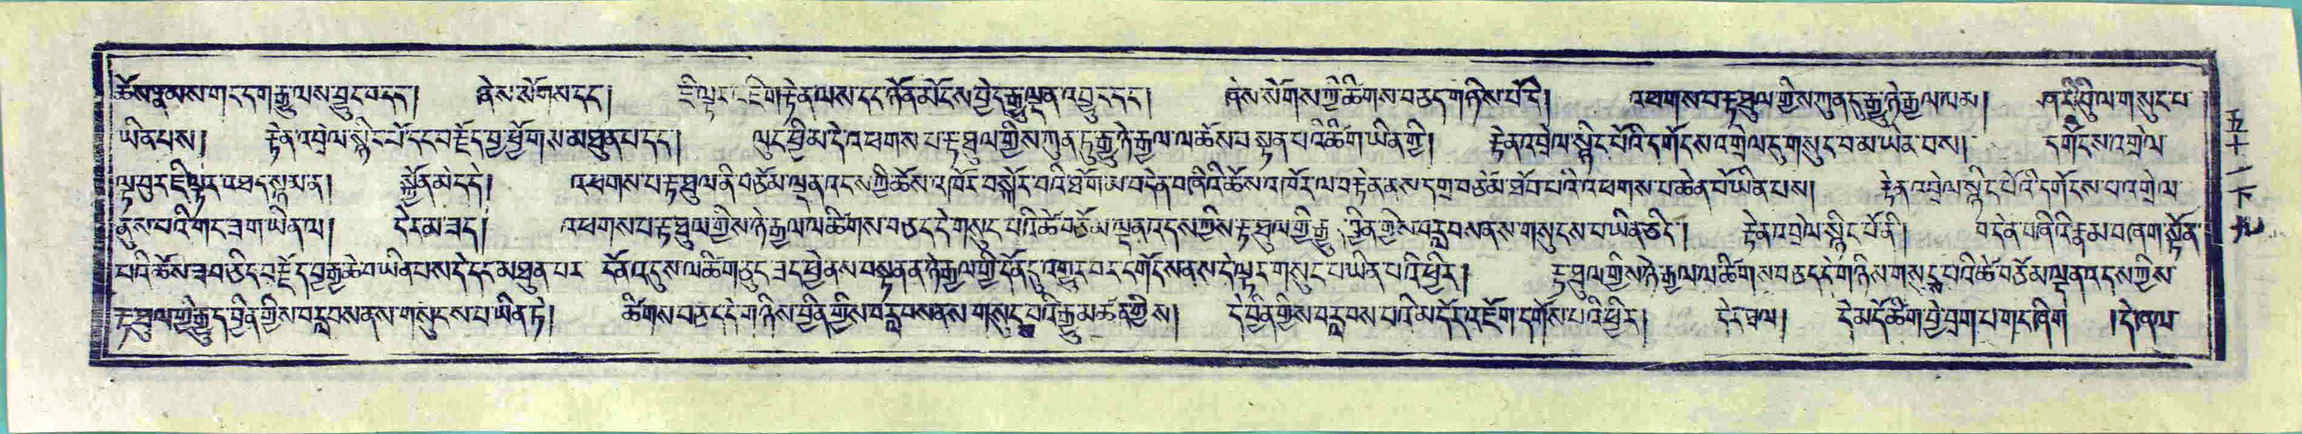ཆོས་རྣམས་གང་དག་རྒྱུ་ལས་བྱུང་བ་དང་། ཞེས་སོགས་དང་། ཇི་ལྟར་འཇིག་རྟེན་ལས་དང་ཉོན་མོངས་བྱེད་རྒྱུ་
ལྡན་འབྱུང་དང་། ཞེས་སོགས་ཀྱི་ཚིགས་བཅད་གཉིས་པོ་དེ། འཕགས་པ་རྟ་ཐུལ་གྱིས་ཀུན་དུ་རྒྱུ་ཉེ་རྒྱལ་ལམ། ཤ་རིའི་བུ་ལ་གསུང་པ་ཡིན་པས། རྟེན་འབྲེལ་སྙིང་པོ་དང་བརྗོད་བྱ་
ཕྱོགས་མཐུན་པ་དང་། ལུང་ཕྱི་མ་དེ་འཕགས་པ་རྟ་ཐུལ་གྱིས་ཀུན་དུ་རྒྱུ་ཉེ་རྒྱལ་ལ་ཆོས་བསྟན་པའི་ཚིག་ཡིན་གྱི། རྟེན་འབྲེལ་སྙིང་པོའི་དགོངས་འགྲེལ་དུ་གསུང་པ་མ་ཡིན་པས། དགོངས་
འགྲེལ་ལྟ་བུར་ཇི་ལྟར་འཐད་སྙམ་ན། སྐྱོན་མེད་དེ། འཕགས་པ་རྟ་ཐུལ་ནི་བཅོམ་ལྡན་འདས་ཀྱི་ཆོས་འཁོར་བསྐོར་བའི་ཐོག་མ་བདེན་བཞིའི་ཆོས་འཁོར་ལ་བརྟེན་ནས་དགྲ་བཅོམ་ཐོབ་པའི་
འཕགས་པ་ཆེན་པོ་ཡིན་པས། རྟེན་འབྲེལ་སྙིང་པོའི་དགོངས་པ་འགྲེལ་ནུས་པའི་གང་ཟག་ཡིན་ལ། དེར་མ་ཟད། འཕགས་པ་རྟ་ཐུལ་གྱིས་ཉེ་རྒྱལ་ལ་ཚིགས་བཅད་དེ་གསུང་བའི་ཚེ་བཅོམ་
ལྡན་འདས་ཀྱིས་རྟ་ཐུལ་གྱི་རྒྱུད་བྱིན་གྱིས་བརླབས་ནས་གསུངས་པ་ཡིན་ཅིང་། རྟེན་འབྲེལ་སྙིང་པོ་ནི། བདེན་བཞིའི་རྣམ་བཞག་སྟོན་པའི་ཆོས་ཟབ་ཅིང་བརྗོད་བྱ་རྒྱ་ཆེ་བ་ཡིན་པས་དེ་༄༅། །དང་མཐུན་པར་དོན་འདུས་ལ་ཚིག་ཅུང་ཟད་ཕྱེ་ནས་བསྟན་ན་ཉེ་རྒྱལ་གྱི་དོན་དུ་འགྱུར་བར་དགོངས་ནས་དེ་ལྟར་གསུང་པ་ཡིན་པའི་ཕྱིར། རྟ་ཐུལ་གྱིས་ཉེ་རྒྱལ་ལ་
ཚིགས་བཅད་དེ་གཉིས་གསུང་བའི་ཚེ་བཅོམ་ལྡན་འདས་ཀྱིས་རྟ་ཐུལ་གྱི་རྒྱུད་བྱིན་གྱིས་བརླབས་ནས་གསུངས་པ་ཡིན་ཏེ། ཚིགས་བཅད་དེ་གཉིས་བྱིན་གྱིས་བརླབས་ནས་གསུང་
བའི་རྒྱུ་མཚན་གྱིས། དེ་བྱིན་གྱིས་བརླབས་པའི་མདོར་འཇོག་དགོས་པའི་ཕྱིར། དེར་ཐལ། དེ་མདོ་ཚིག་བྱེ་བྲག་པ་གང་ཞིག །དེ་ཞལ་